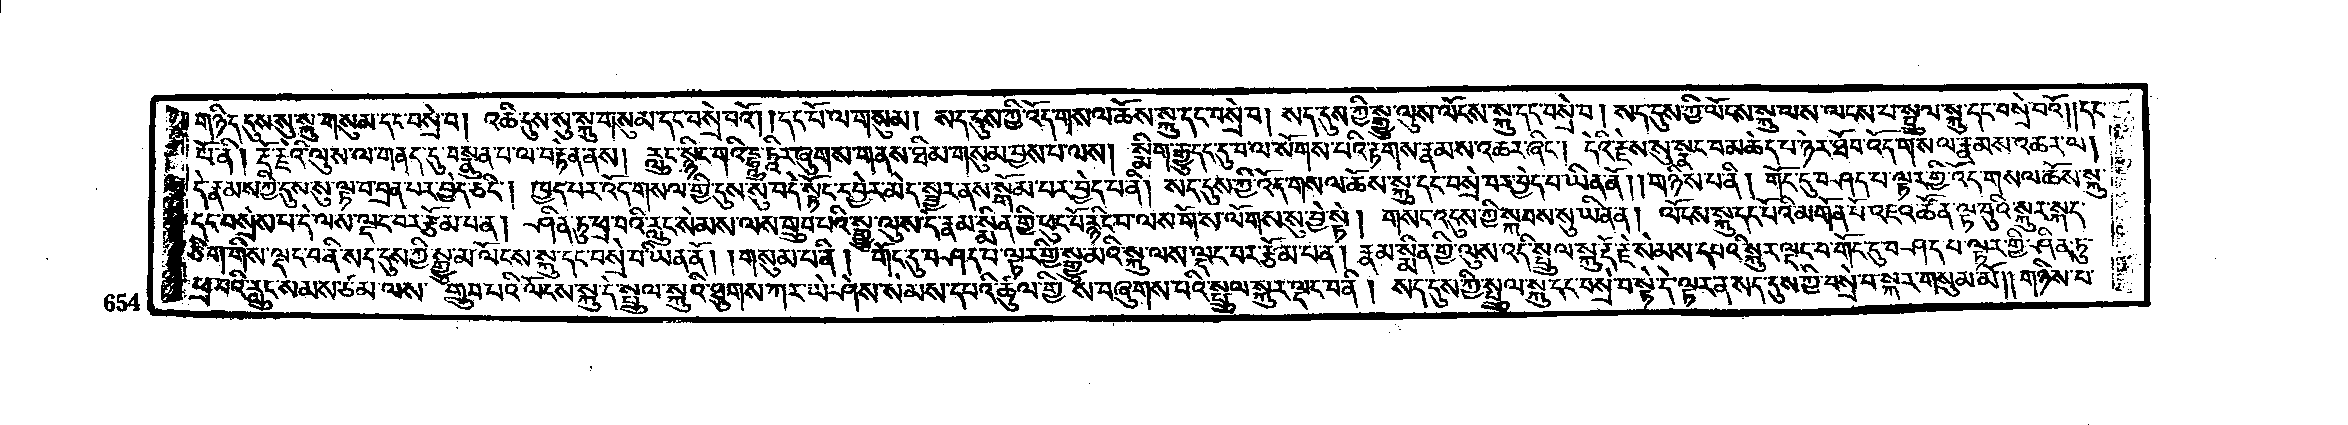གཉིད་དུས་སུ་སྐུ་གསུམ་བསྲེ་བ། འཆི་དུས་སུ་སྐུ་གསུམ་དང་བསྲེ་བའོ། །དང་པོ་ལ་གསུམ། སད་དུས་ཀྱི་འོད་གསལ་ཆོས་སྐུ་དང་བསྲེ་བ། སད་དུས་ཀྱི་སྒྱུ་ལུས་ལོངས་སྐུ་དང་བསྲེ་བ། སད་དུས་ཀྱི་ལོངས་སྐུ་ལས་ལངས་པ་སྤྲུལ་སྐུ་དང་བསྲེ་བའོ། །དང་
པོ་ནི། རྡོ་རྗེའི་ལུས་ལ་གནད་དུ་བསྣུན་པ་ལ་བརྟེན་ནས། རླུང་སྙིང་གའི་དྷཱུ་ཏཱིར་ཞུགས་གནས་ཐིམ་གསུམ་བྱས་པ་ལས། སྨིག་རྒྱུ་དང་དུ་བ་ལ་སོགས་པའི་རྟགས་རྣམས་འཆར་ཞིང་། དེའི་རྗེས་སུ་སྣང་བ་མཆེད་པ་ཉེར་ཐོབ་འོད་གསལ་རྣམས་འཆར་ལ།
དེ་རྣམས་ཀྱི་དུས་སུ་ལྟ་བ་དྲན་པར་བྱེད་ཅིང་། ཁྱད་པར་འོད་གསལ་གྱི་དུས་སུ་བདེ་སྟོང་དབྱེར་མེད་སྦྱར་ནས་སྒོམ་པར་བྱེད་པ་ནི། སད་དུས་ཀྱི་འོད་གསལ་ཆོས་སྐུ་དང་བསྲེ་བར་བྱེད་པ་ཡིན་ནོ། །གཉིས་པ་ནི། གོང་དུ་བཤད་པ་ལྟར་གྱི་འོད་གསལ་ཆོས་སྐུ་
དང་བསྲེས་པ་དེ་ལས་ལྡང་བར་རྩོམ་པ་ན། ཤིན་ཏུ་ཕྲ་བའི་རླུང་སེམས་ལས་གྲུབ་པའི་སྒྱུ་ལུས་དེ་རྣམ་སྨིན་གྱི་ཕུང་པོ་རྙིང་པ་ལས་གོ་ས་ལོགས་སུ་བྱེ་སྟེ། གསང་འདུས་ཀྱི་སྐབས་སུ་ཡིན་ན། ལོངས་སྐུ་དང་པོའི་མགོན་པོ་འཇའ་ཚོན་ལྟ་བུའི་སྐུར་སྐད་
ཅིག་གིས་ལྡང་བ་ནི་སད་དུས་ཀྱི་སྒྱུ་མ་ལོངས་སྐུ་དང་བསྲེ་བ་ཡིན་ནོ། །གསུམ་པ་ནི། གོང་དུ་བཤད་པ་ལྟར་གྱི་སྒྱུ་མའི་སྐུ་ལས་ལྡང་བར་རྩོམ་པ་ན། རྣམ་སྨིན་གྱི་ལུས་འདི་སྤྲུལ་སྐུ་རྡོ་རྗེ་སེམས་དཔའི་སྐུར་ལྡང་བ་གོང་དུ་བཤད་པ་ལྟར་གྱི་ཤིན་ཏུ་
ཕྲ་བའི་རླུང་སེམས་ཙམ་ལས་གྲུབ་པའི་ལོངས་སྐུ་དེ་སྤྲུལ་སྐུའི་ཐུགས་ཀར་ཡེ་ཤེས་སེམས་དཔའི་ཚུལ་གྱིས་བཞུགས་པའི་སྤྲུལ་སྐུར་ལྡང་བ་ནི། སད་དུས་ཀྱི་སྤྲུལ་སྐུ་དང་བསྲེ་བ་སྟེ་དེ་ལྟར་ན་སད་དུས་ཀྱི་བསྲེ་བ་སྐོར་གསུམ་མོ། །གཉིས་པ་